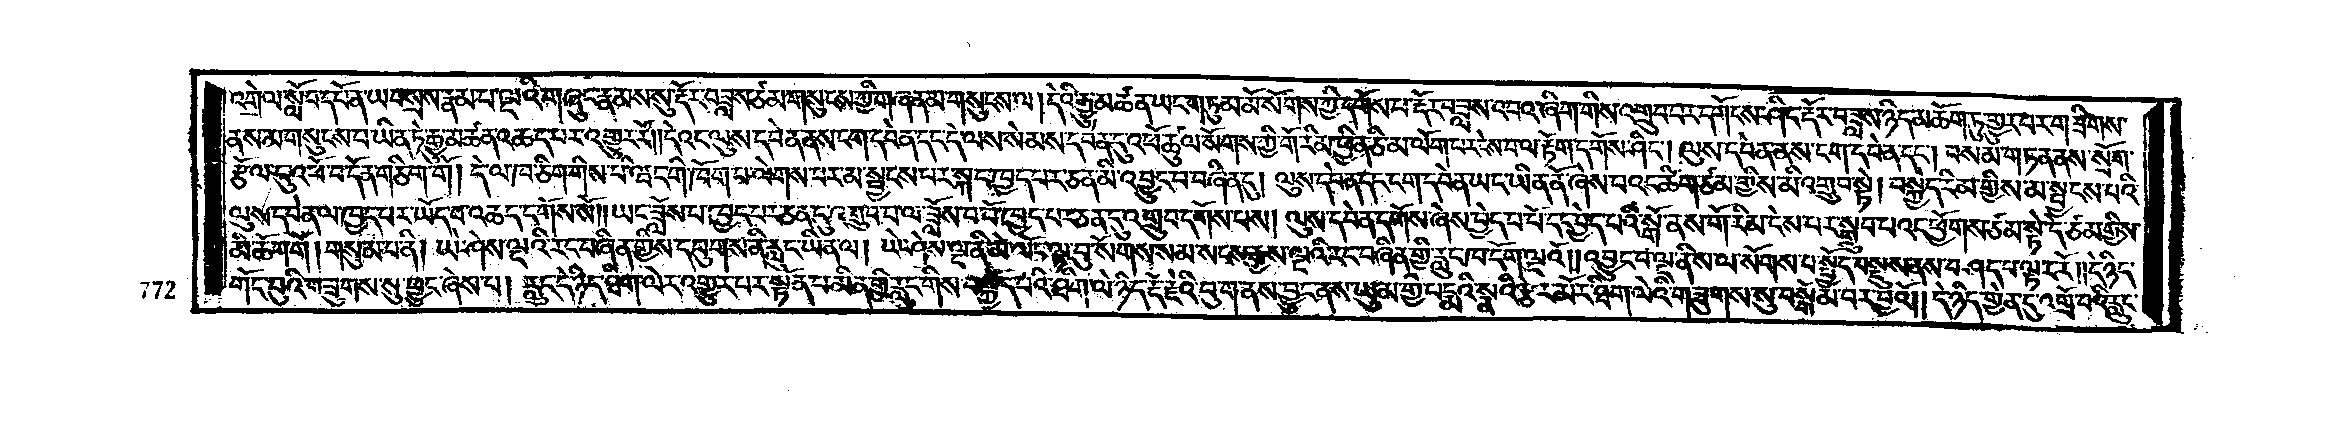འགྲེལ་སློབ་དཔོན་ཡབ་སྲས་རྣམ་པ་ལྔའི་གཞུང་རྣམས་སུ་རྡོར་བཟླས་ཙམ་གསུངས་ཀྱི་གཞན་མ་གསུངས་ལ། དེའི་རྒྱུ་མཚན་ཡང་གཏུམ་མོ་སོགས་ཀྱི་དགོས་པ་རྡོར་བཟླས་འབའ་ཞིག་གིས་འགྲུབ་པར་དགོངས་ཤིང་རྡོར་བཟླས་ཉིད་མཆོག་ཏུ་གྱུར་པར་གཟིགས་
ནས་མ་གསུངས་པ་ཡིན་ཏེ་རྒྱུ་མཚན་འཆད་པར་འགྱུར་རོ། །དེའང་ལུས་དབེན་ནས་ངག་དབེན་དང་དེ་ལས་སེམས་དབེན་དུ་འཕོ་ཚུལ་སོགས་ཀྱི་གོ་རིམ་ཕྱིན་ཅི་མ་ལོག་པར་ངེས་པ་ལ་རྟོག་དགོས་ཤིང་། ལུས་དབེན་ནས་ངག་དབེན་དང་། བསམ་གཏན་ནས་སྲོག་
རྩོལ་དུ་འཕོ་བ་དོན་གཅིག་གོ །དེ་ལ་ཁ་ཅིག་གིས་པི་ཝང་གི་ཁོག་པ་ལེགས་པར་མ་སྦྱངས་པར་སྐད་ཁྱད་པར་ཅན་མི་འབྱུང་བ་བཞིན་དུ། ལུས་དབེན་དང་ངག་དབེན་ཡང་ཡིན་ནོ་ཞེས་པའང་ཚིག་ཙམ་གྱིས་མི་འགྲུབ་སྟེ། བསྐྱེད་རིམ་གྱིས་མ་སྦྱངས་པའི་
ལུས་དབེན་ལ་ཁྱད་པར་ཡོད་པ་འཆད་དགོས་སོ། །ཡང་ཟློས་པ་ཁྱད་པར་ཅན་དུ་འགྲུབ་པ་ལ་ཟློས་པ་པོ་ཁྱད་པར་ཅན་དུ་འགྲུབ་དགོས་པས། ལུས་དབེན་དགོས་ཞེས་བྱེད་པ་པོ་དང་བྱེད་པའི་སྒོ་ནས་གོ་རིམ་ངེས་པར་སྒྲུབ་པའང་ཕྱོགས་ཙམ་སྟེ་དེ་ཙམ་གྱིས་
མི་ཆོག་གོ །གསུམ་པ་ནི། ཡེ་ཤེས་ལྔའི་རང་བཞིན་གྱིས་དབུགས་ནི་རླུང་ཡིན་ལ། ཡེ་ཤེས་ལྔ་ནི་མེ་ལོང་ལྟ་བུ་སོགས་སམ་སངས་རྒྱས་ལྔའི་རང་བཞིན་གྱི་རླུང་ཁ་དོག་ལྔའོ། །འབྱུང་བ་ལྔ་ནི་ས་ལ་སོགས་པ་སྤྱོད་བསྡུས་ནས་བཤད་པ་ལྟར་རོ། །དེ་ཉིད་
གོང་བྱའི་གཟུགས་སུ་ཕྱུང་ཞེས་པ། རླུང་དེ་ཉིད་ཐེག་ལེར་འགྱུར་པར་སྟོན་པ་མིན་གྱི་རླུང་གིས་བསྐྱོད་པའི་ཐིག་ལེ་ཉིད་རྡོ་རྗེའི་བུ་ག་ནས་བྱུང་ནས་ཡུམ་གྱི་པདམའི་སྣའི་རྩེར་མོར་ཐིག་ལེའི་གཟུགས་སུ་བསྒོམ་པར་བྱའོ། །དེ་ཉིད་གྱེན་དུ་འགྲོ་བའི་རླུང་